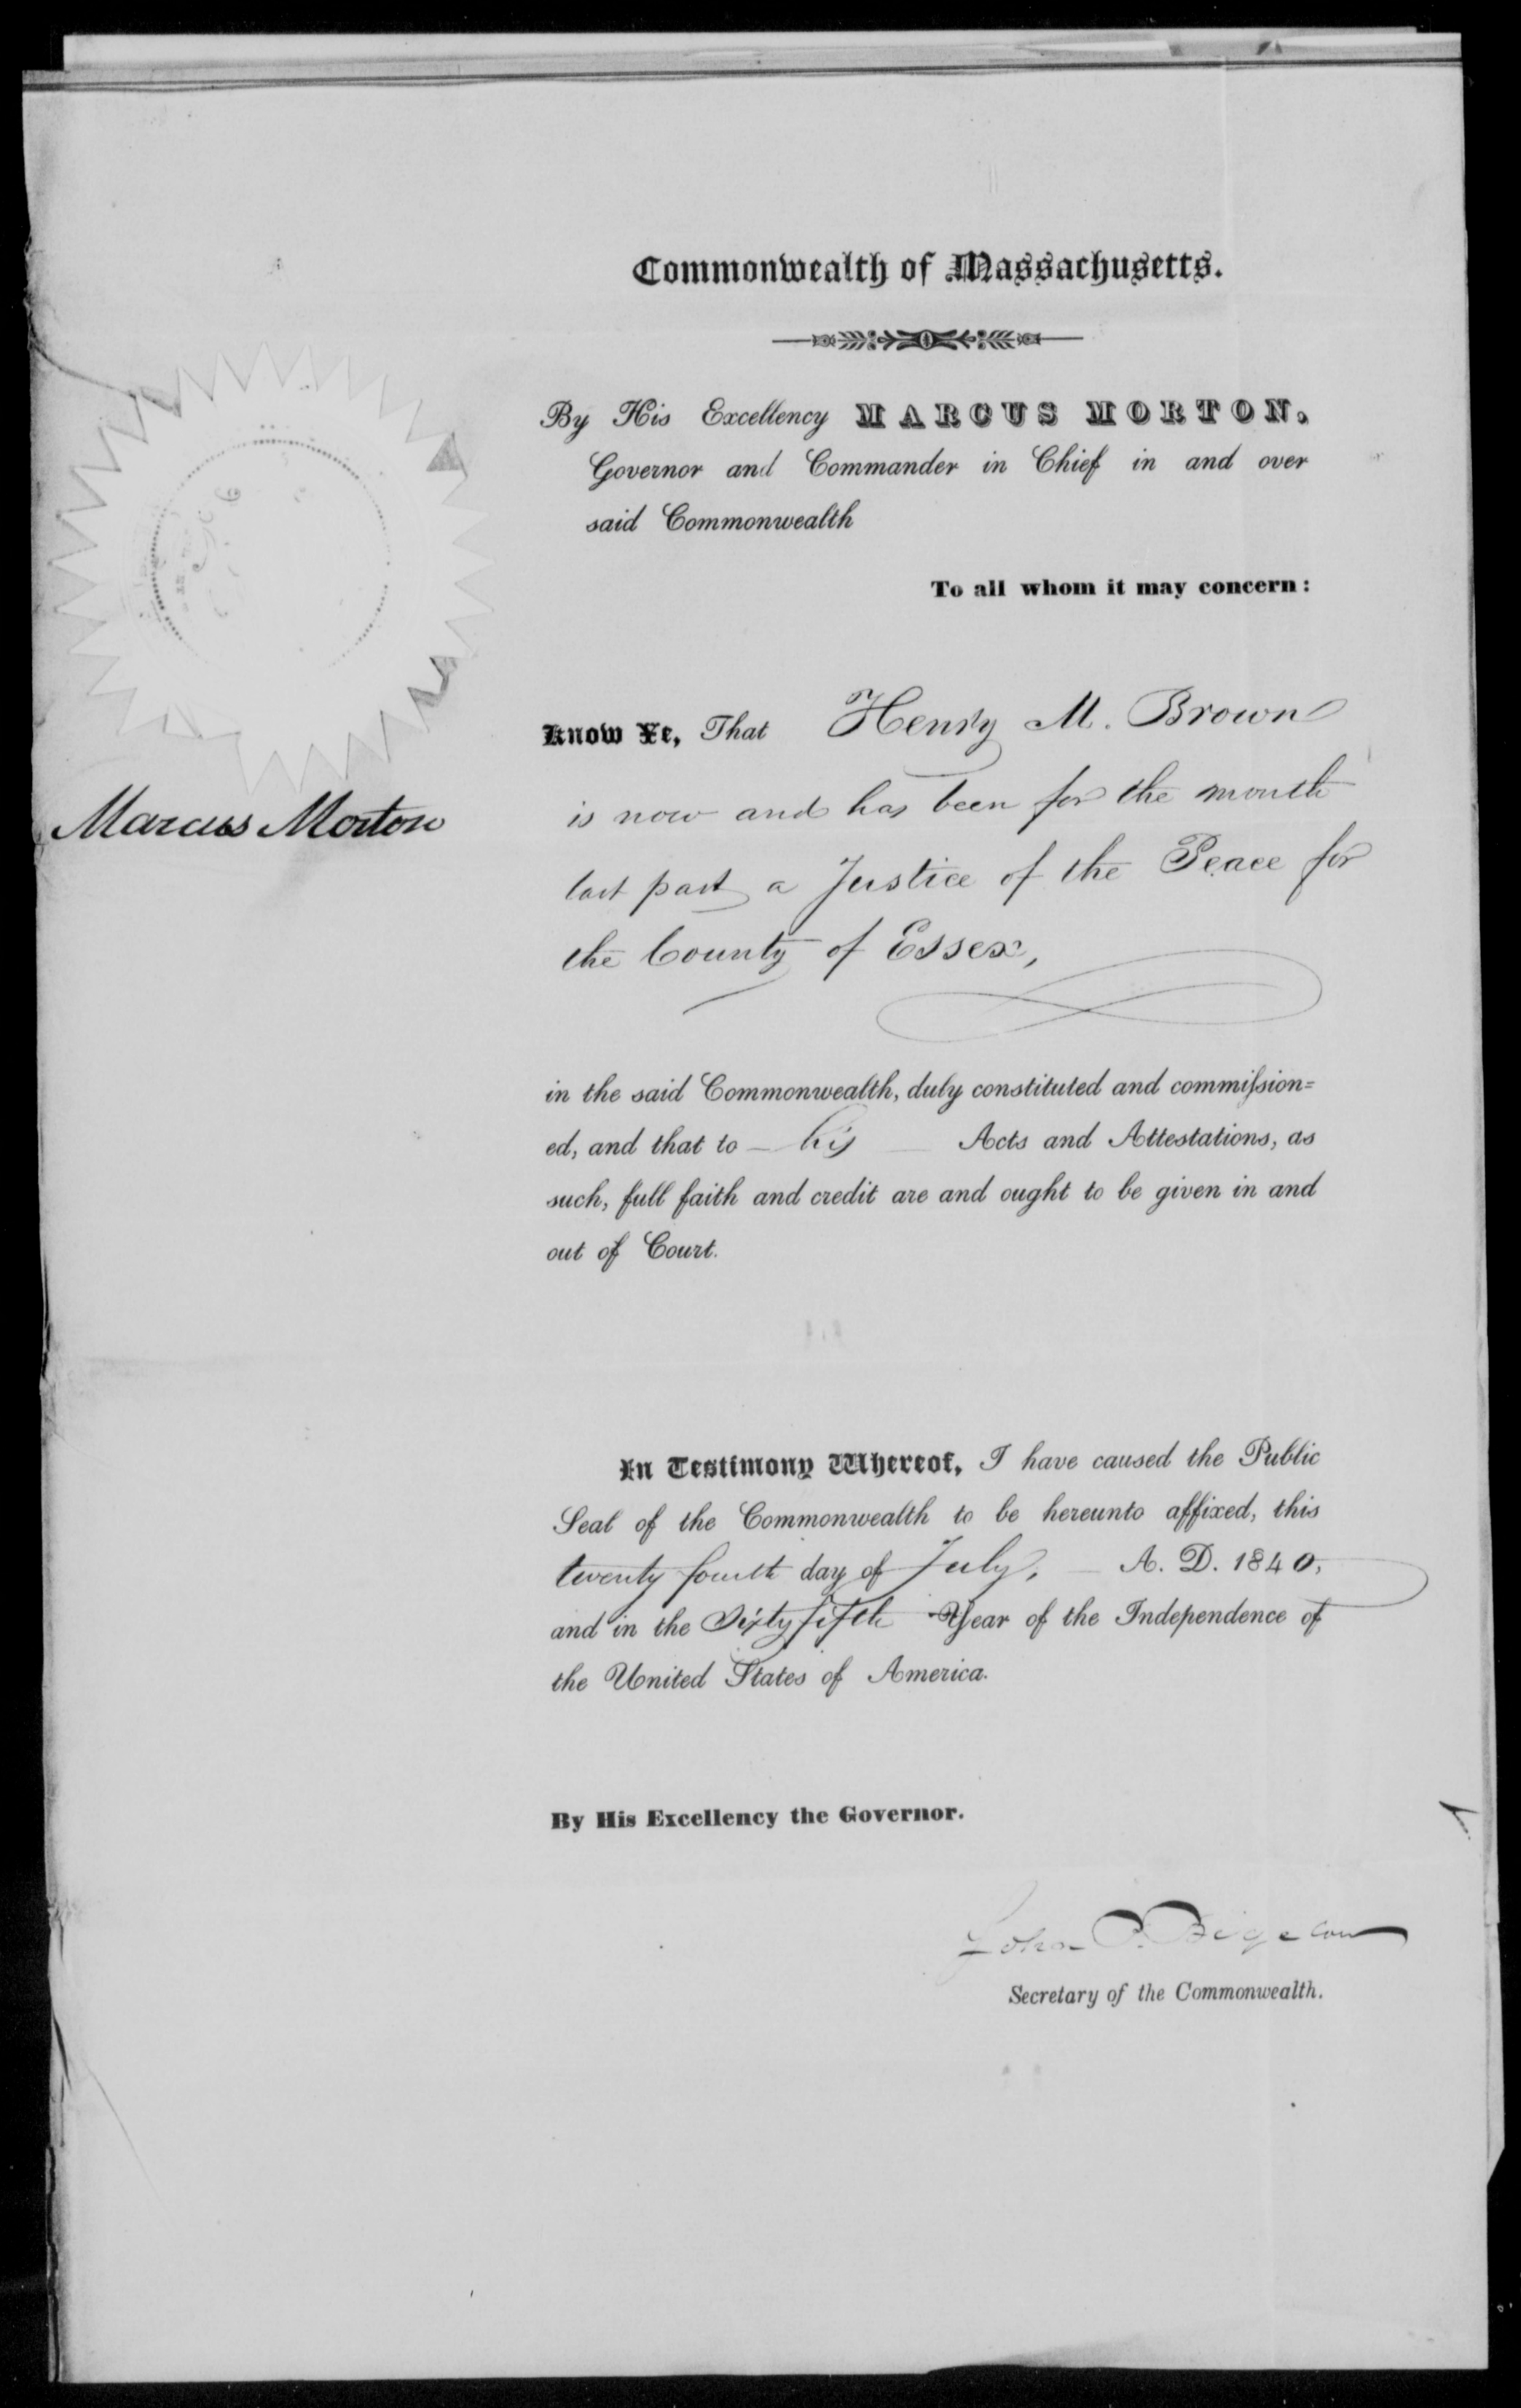Commonwealth of Massachusetts.
By His Excellency MARCUS MORTON, Governor and Commander in Chief in and over said Commonwealth
[seal] Marcus Morton
To all whom it may concern:
Know Ye, That Henry M. Brown is now and has been for the month
last part a Justice of the Peace for the County of Essex, in the said Commonwealth, duly constituted and commissioned, and that to his Acts and Attestations, as such, full faith and credit are and ought to be given in and out of Court

In Testimony Whereof, I have caused the Public Seal of the Commonwealth to be hereunto affixed, this twenty fourth day of July, A. D. 1840, and in the sixty fifth year of the Independence of
the United States of America
By His Excellency the Governor.
John P Bigelow
Secretary of the Commonwealth.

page: 49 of 55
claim: widow's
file: W. 14,021, for Samuel Tilton, New Hampshire